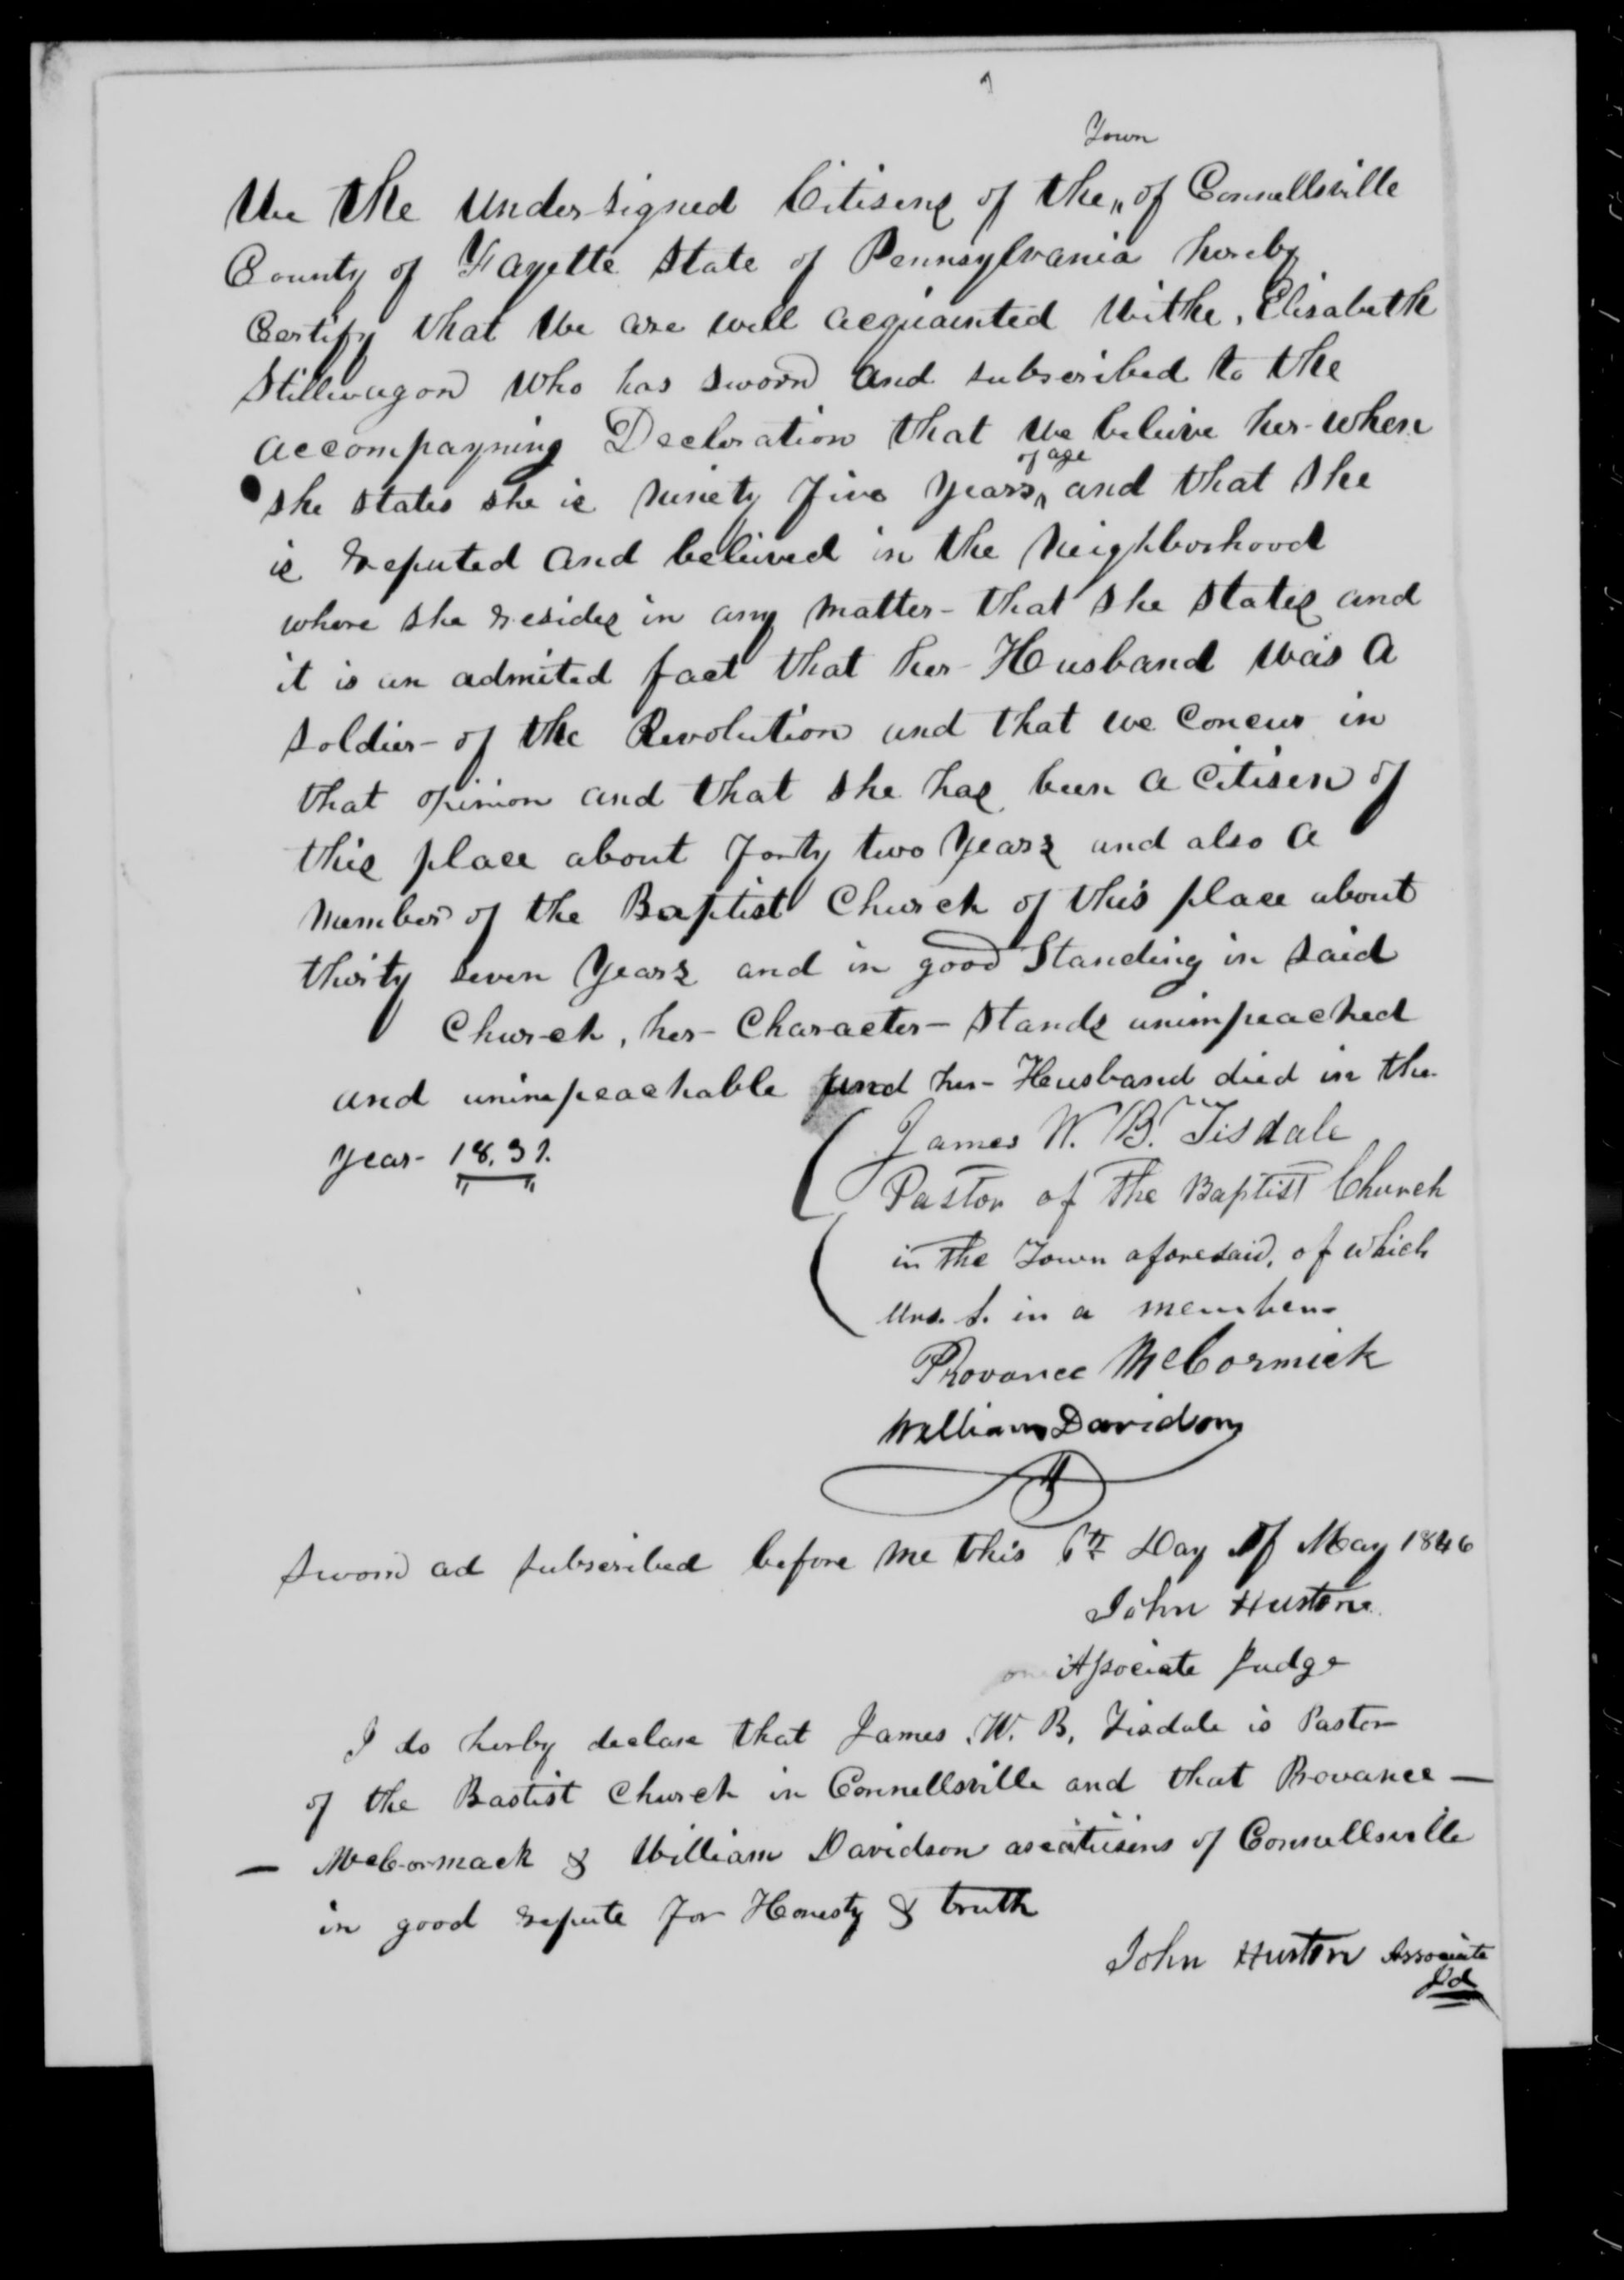We the undersigned Citisins [sic] of the Town of Connellsville County of Fayette State of Pennsylvania hereby Certify that we are well acquainted with Elisabeth Stillwagon who has sworn and subscribed to the accompanying Declaration that we believe her when she states she is ninety five years of age and that she is reputed and believed in the neighborhood where she resides in any matter that she states and it is an admited [sic] fact that her Husband was a Soldier of the Revolution and that we concur in that opinion and that she has been a citisen [sic] of this place about forty two years and also a member of the Baptist Church of this place about thirty seven years and in good standing in said Church, her character stands unimpeached and impeccable [illegible] her Husband died in the year 1837.

James W. B. Tisdale
Pastor of the Baptist Church
In the town aforesaid of which
Mrs. S is a member
Provance McCormick
William Davidson

Sworn and subscribed before me this 6th Day of May 1846
John Huston
Associate Judge
I do hereby declare that James W. B. Tisdale is Pastor of the Baptist Church in Connellsville and that Provance McCormack [sic] & William Davidson are citisens [sic] of Connellsville in good repute for Honesty & truth
John Huston Associate Judge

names: John Huston; Elisabeth Stillwagon; William Davidson; Provance Mc Cormack; James W B Tisdale; John Huston; Provance Mc Cormick; James W B Tisdale; William Davidson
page: 63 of 73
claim: widow's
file: W. 3197, for Peter Stillwagon, New Jersey